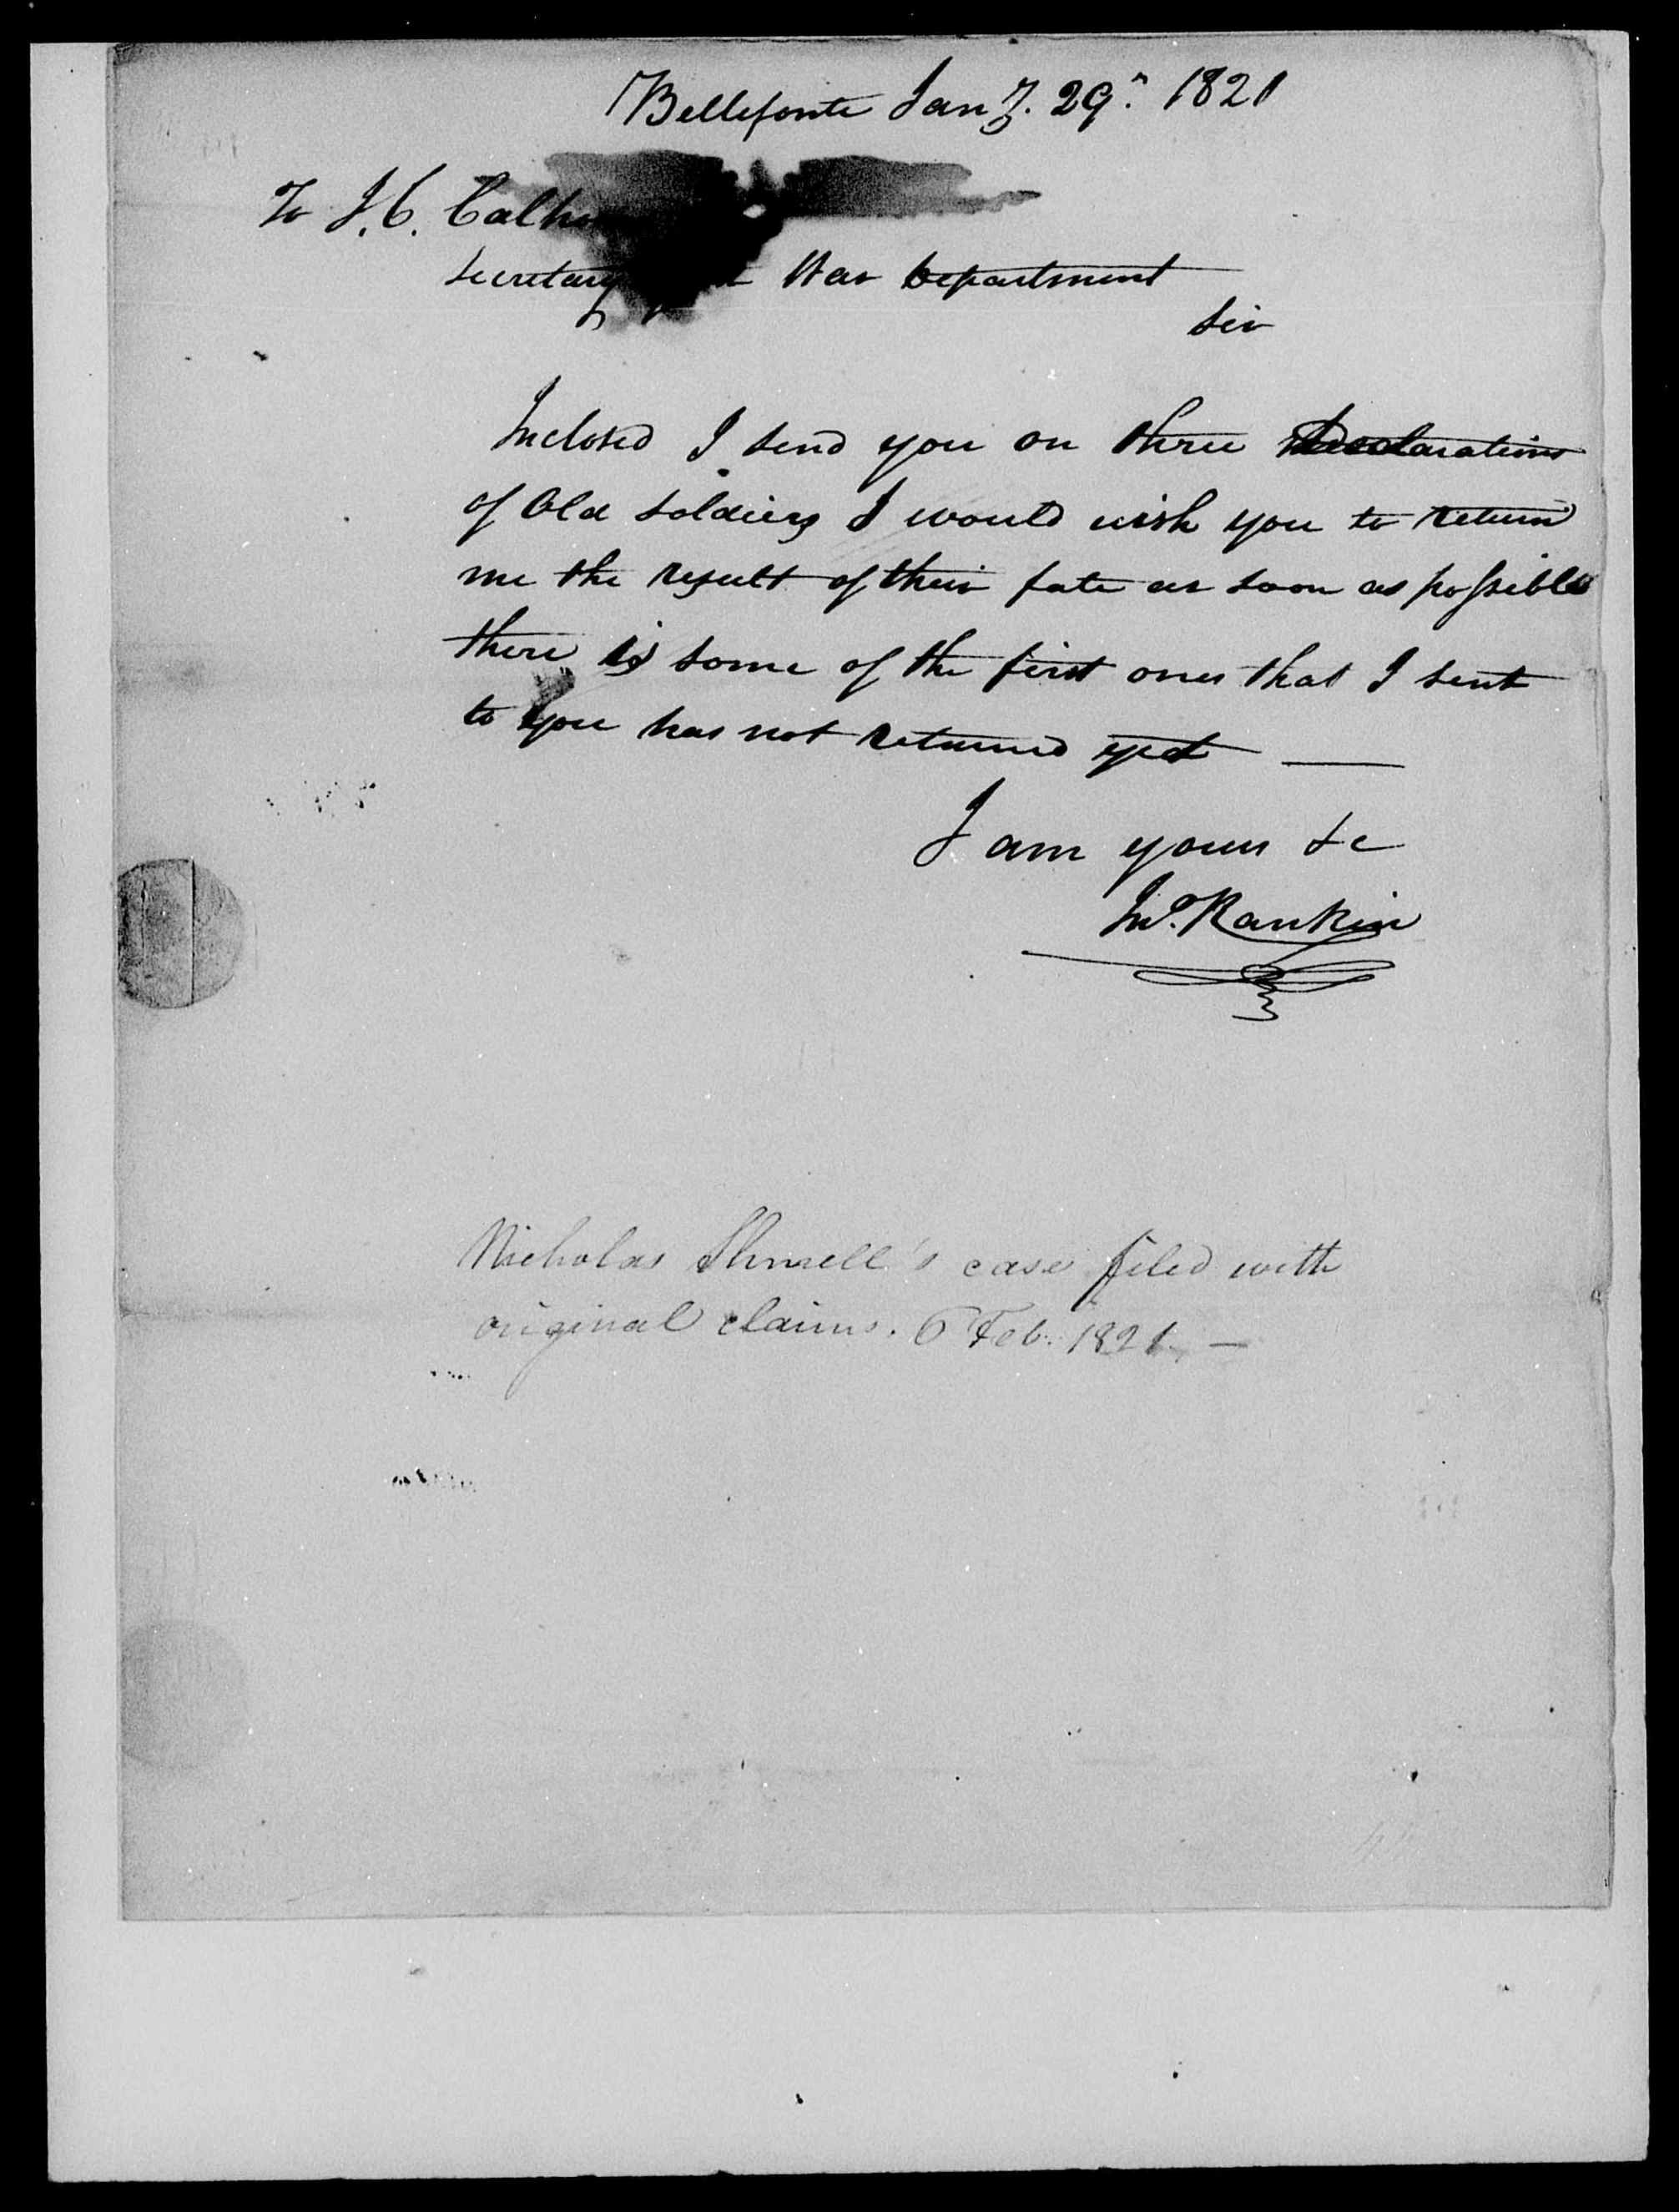Bellefonte Jany. 29th. 1821

To J.C. Calhoun
Secretary of the War Department

Sir

Inclosed I send you on three Declarations of old soldiers I would wish you to return me the result of their fate as soon as possible there is some of the first ones that I sent to you has not returned yet - 

I am yours +c
Jno. Rankin

Nicholas Shurell's case filed with original claims. 6 Feb 1821-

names: J C Calhoun, Nicholas Shurell, Jno Rankin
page: 4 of 11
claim: survivor's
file: S. 42,197, Peter Flory, Penn.